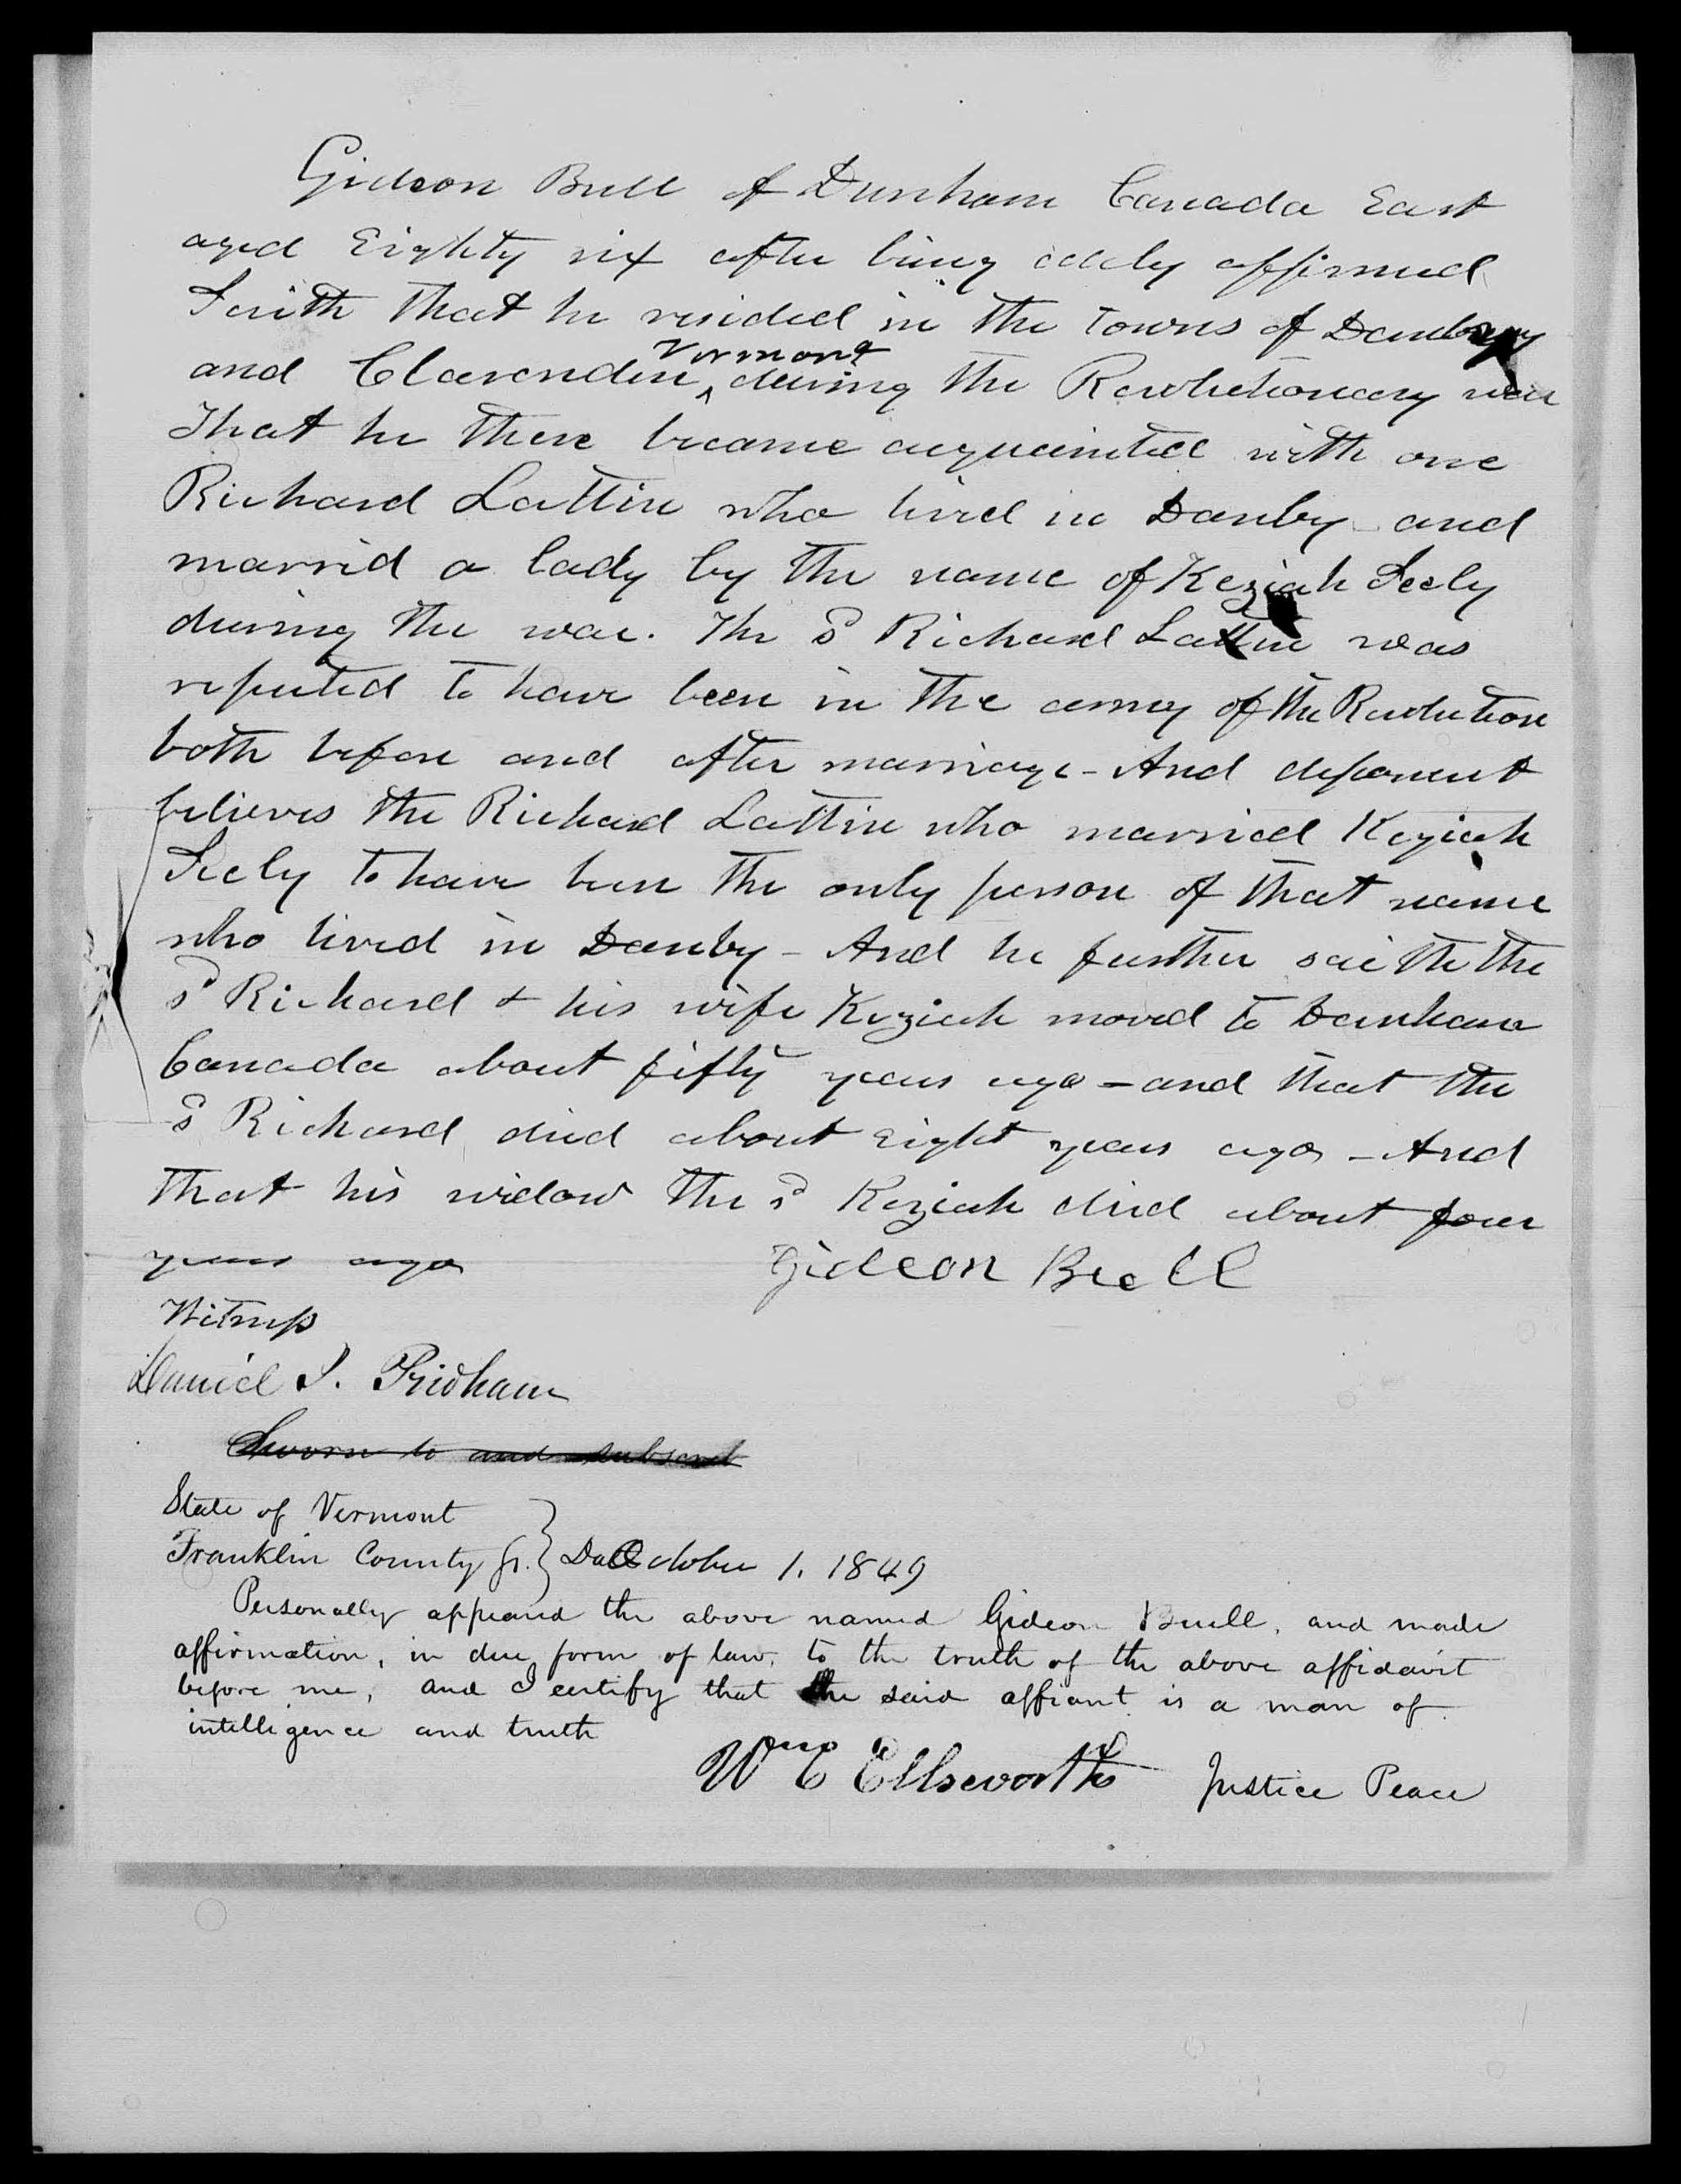Gideon Bull of Dunham Canada East
aged Eighty six after being duly affirmed
Saith that he resided in the town of Danby
Vermont and Clarendon Vermont during 
the Revolutionary war. 
That he there became acquainted with one
Richard Lattin who lived in Danby and
married a lady by the name of Keziah Seely
during the war. The sd Richard Lattin was
reputed to have been in the army of the Revolution
both before and after marriage. And deponent
believes the Richard Lattin who married Keziah
Seely to have been the only person of that name
who lived in Danby - And he further saith the
Sd Richard & his wife Keziah moved to Dunham
Canada about fifty years ago and that the
Richard died about Eight years ago - And
that his widow the sd Keziah died about four
years ago.
Gideon Bull
Witness
Daniel J. Pridham

State of Vermont Franklin County ss.  October 1, 1849
Personally appeared the above named Gideon Bull, and made
affirmation in due form of law, to the truth of the above affidavit before me; and I certify that the said affiant is a man of intelligence and truth.
Wm C Ellsworth Justice Peace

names: Richard Lattin; Daniel J Pridham; Keziah Seely; Wm C Ellsworth; Gideon Bull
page: 47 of 99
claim: widow's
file: W. 24,482, for Richard Lattin, Vermont